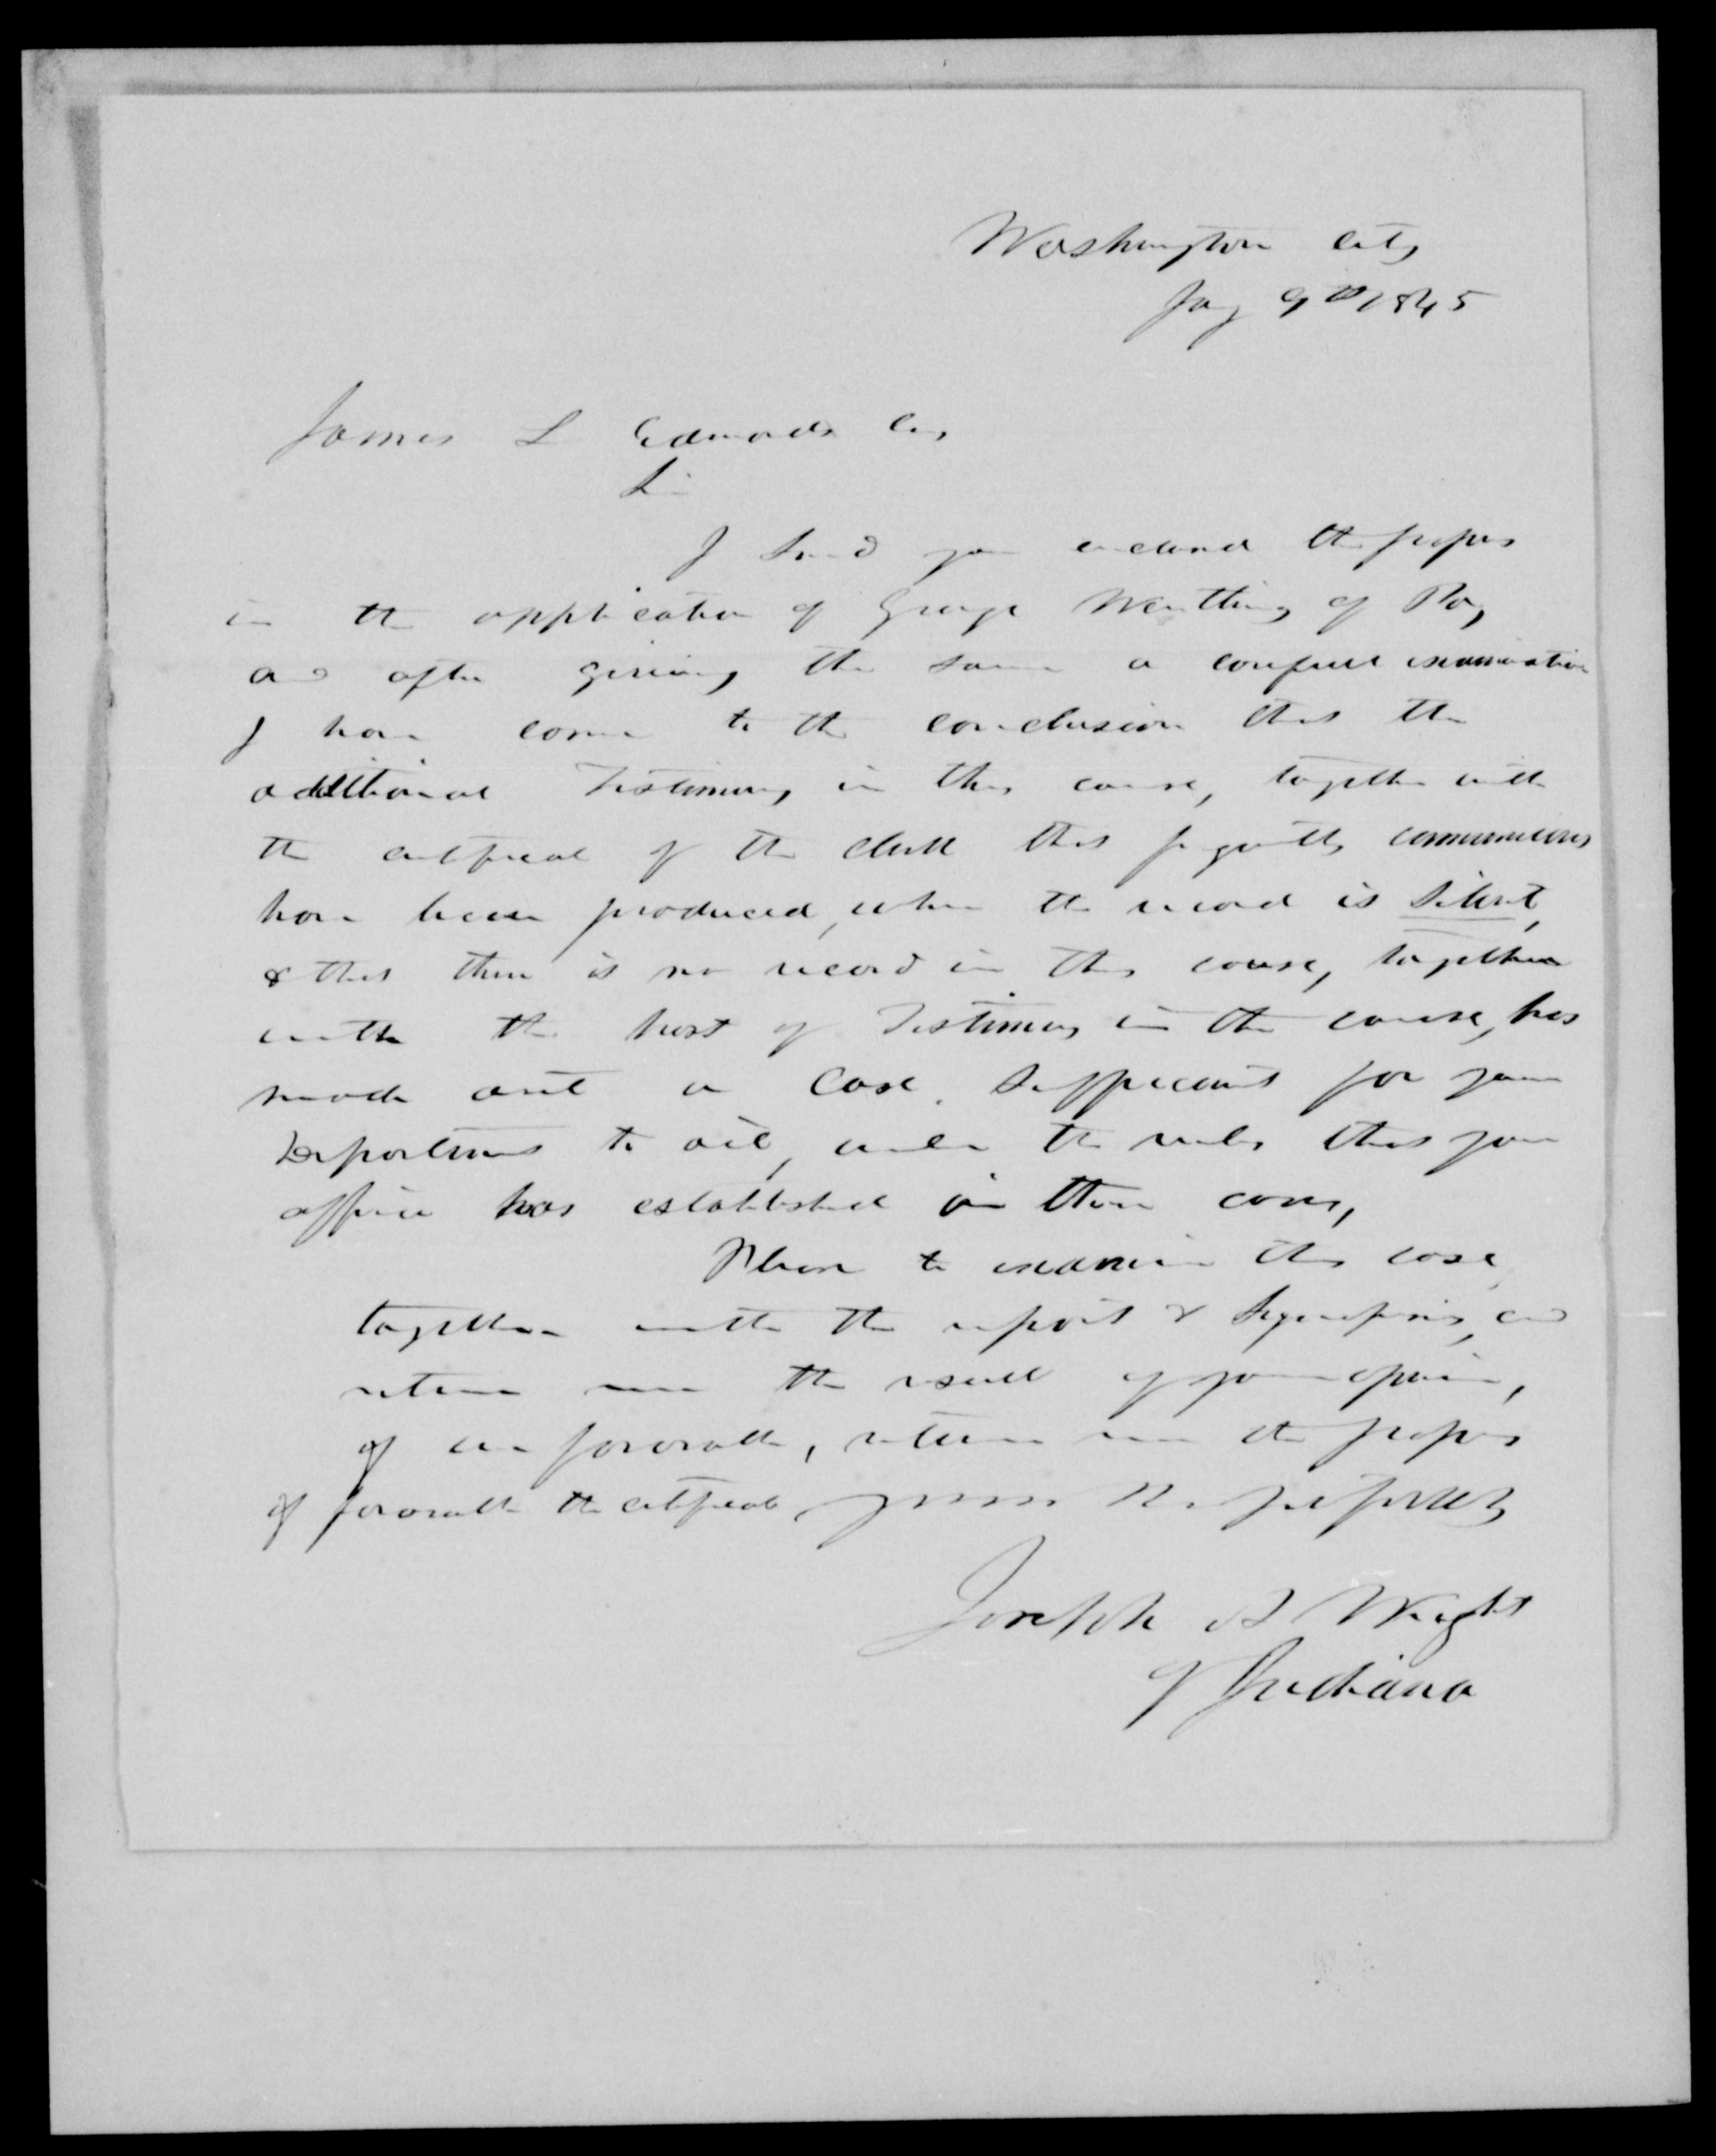Washington City
                Jay  9th 1845

James L. Edwards Esq.

Sir

I send you enclose the papers in the application of George Wentley of Pa, and after giving the same a careful examination I have come to the conclusion that the additional testimony in this case, together with the official of the clerk this frequently communions have been produced, when the record is silent, & this then is no record in the county, together with the host of testimony in the cause, has  made out a case sufficient for your Department to act under the rule that your office has established in these cases.
Please to examine this case together with the report & depositions and return me the result of your opinion, if unfavorable, return me the papers. If favorable the certificate [illegible] [illegible]
Joseph A. Wright
of Indiana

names: James L Edwards, Joseph A Wright, George Wentling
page: 31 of 68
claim: survivor's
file: S. 6,358, George Wentling, Penn.